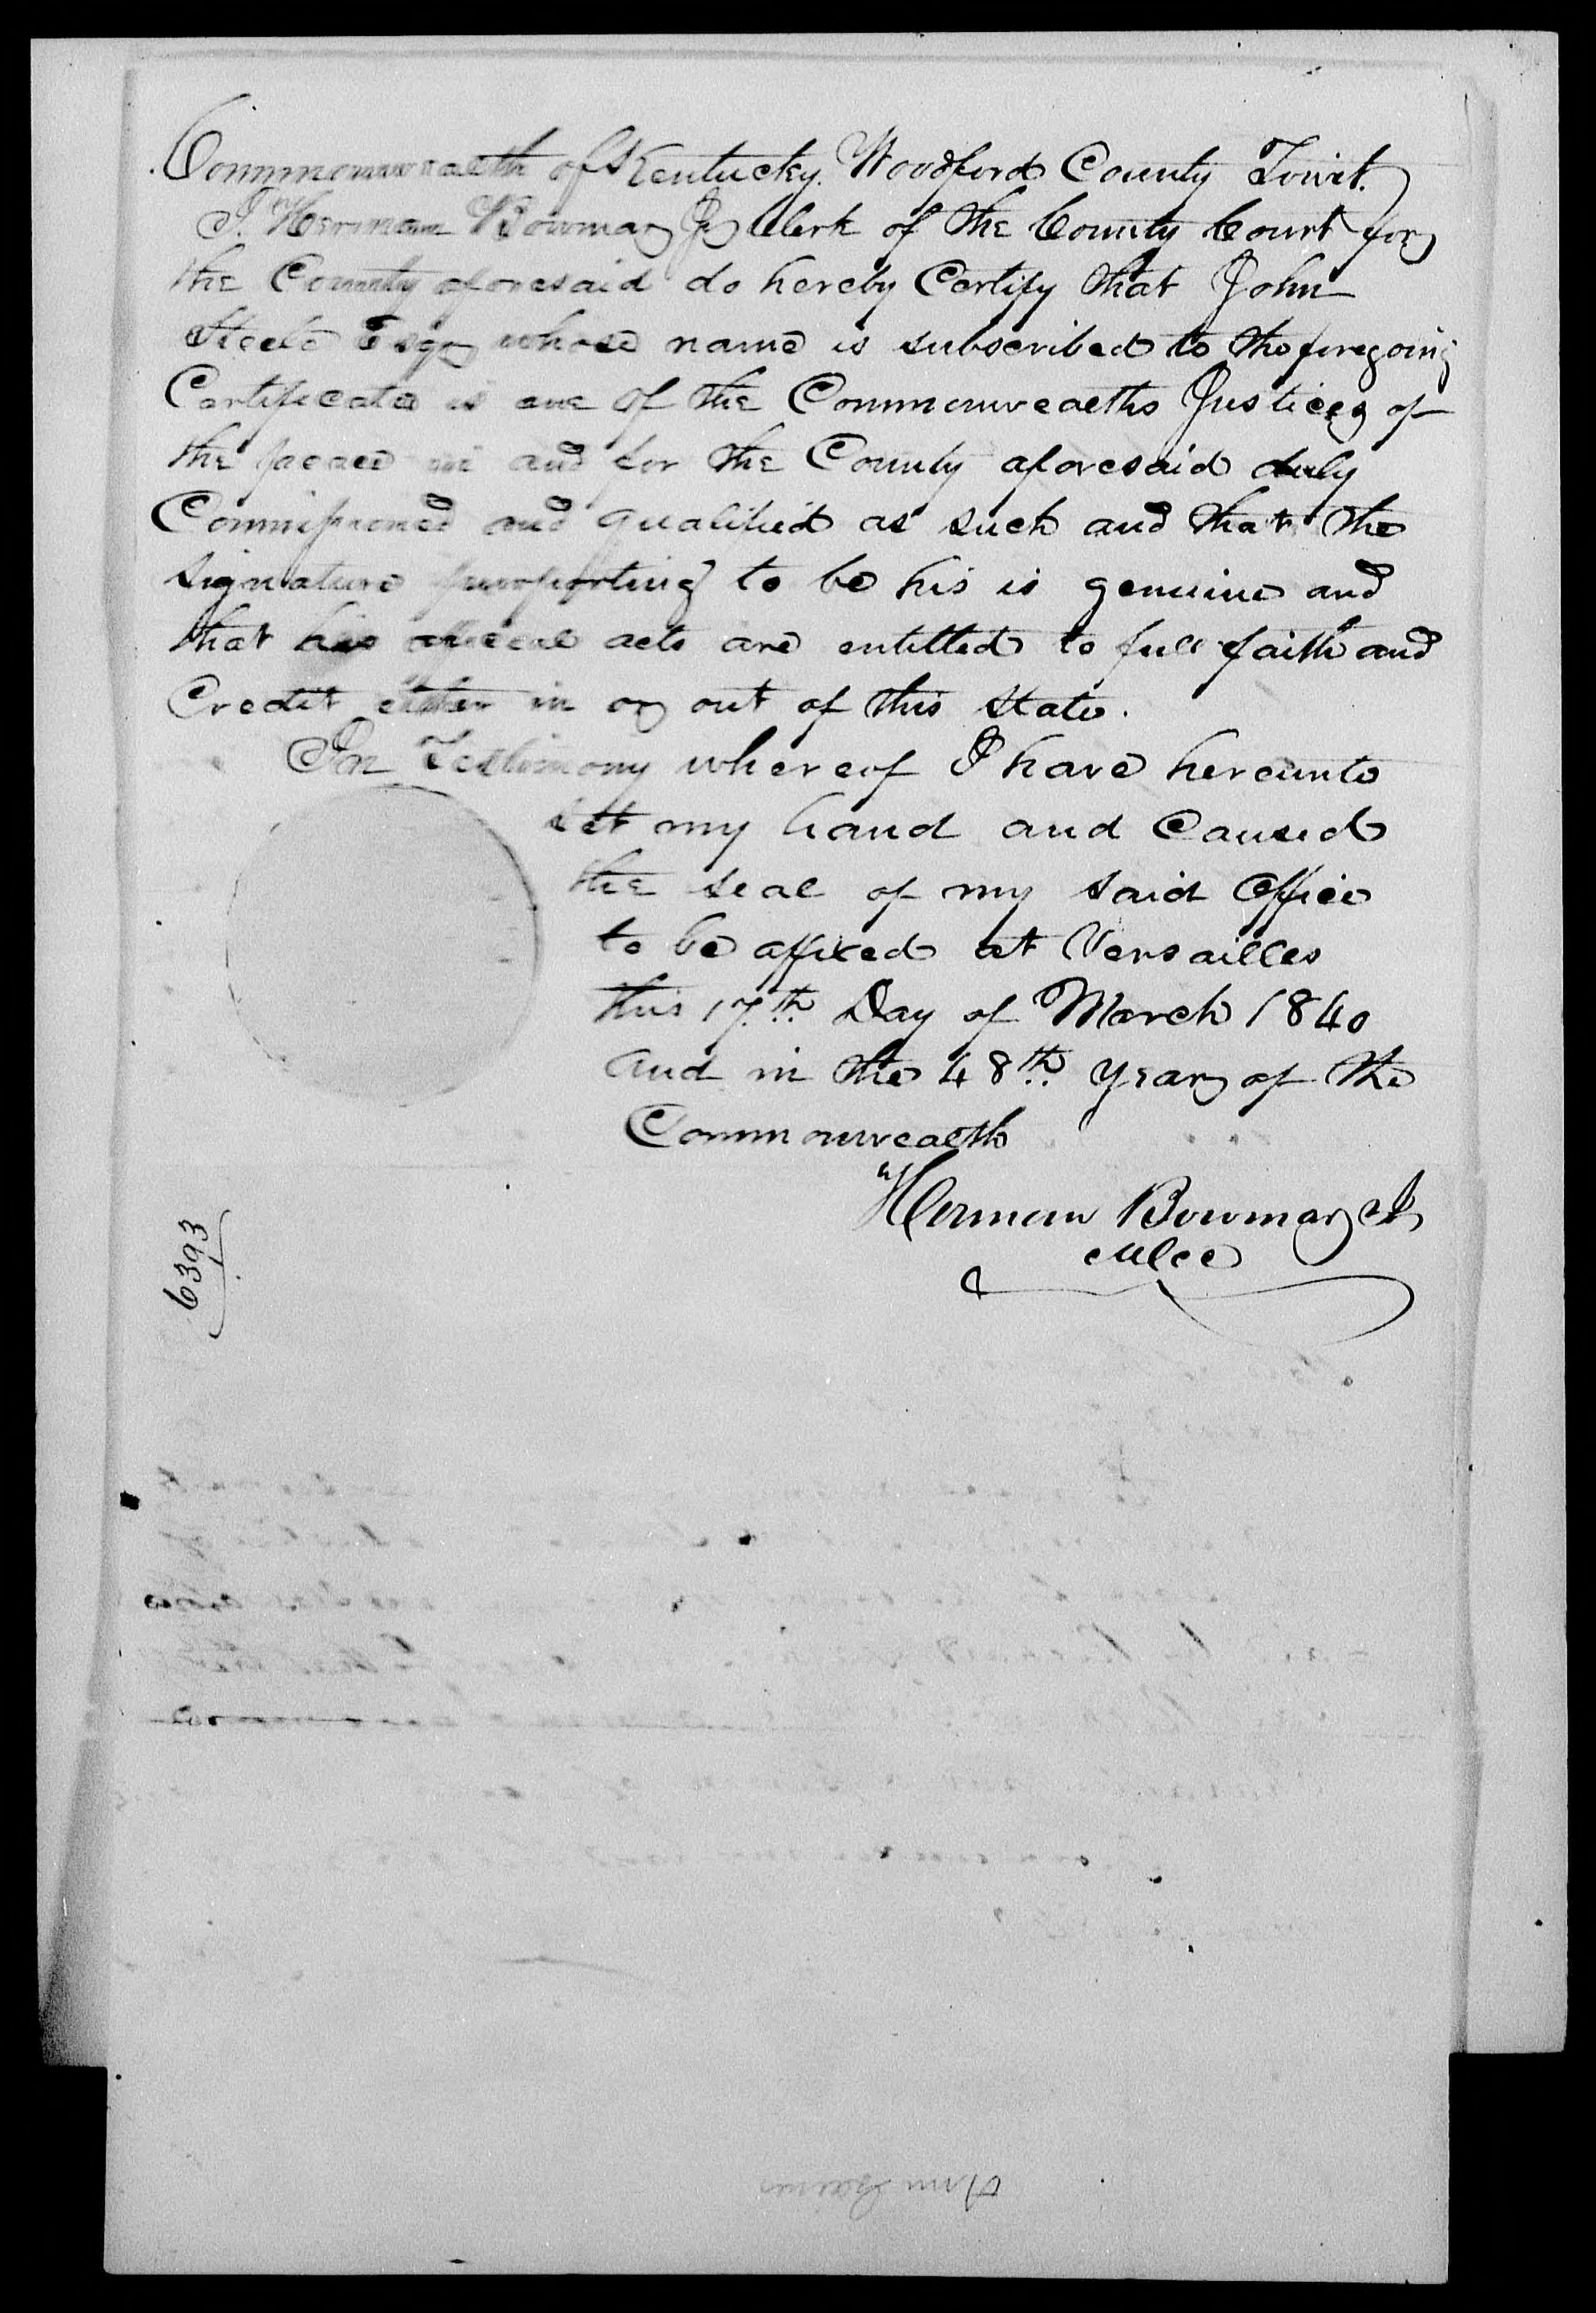Commonwealth of Kentucky. Woodford County Towit..
J Herman Bowman Jr Clerk of the County Court for
the County aforesaid do hereby certify that John
Steele Esq whose name is subscribed to the foregoing
Certificate is one of the Commonwealths Justices of
the peace in and for the County aforesaid duly
Commissioned and qualified as such and that the
Signature purporting to be his is genuine and
that his official acts are entitled to full faith and
Credit either in or out of this State
In Testimony whereof I have hereunto
set my hand and caused
the seal of my said Office
to be affixed at Versailles
this 17th Day of March 1840
and in the 48th year of the
Commonwealth
Herman Bowman ck
6393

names: John Steele, Herman Bowmar, Herman Bowmar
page: 16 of 79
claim: rejected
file: R. 3863, Robert Gaines, Va.